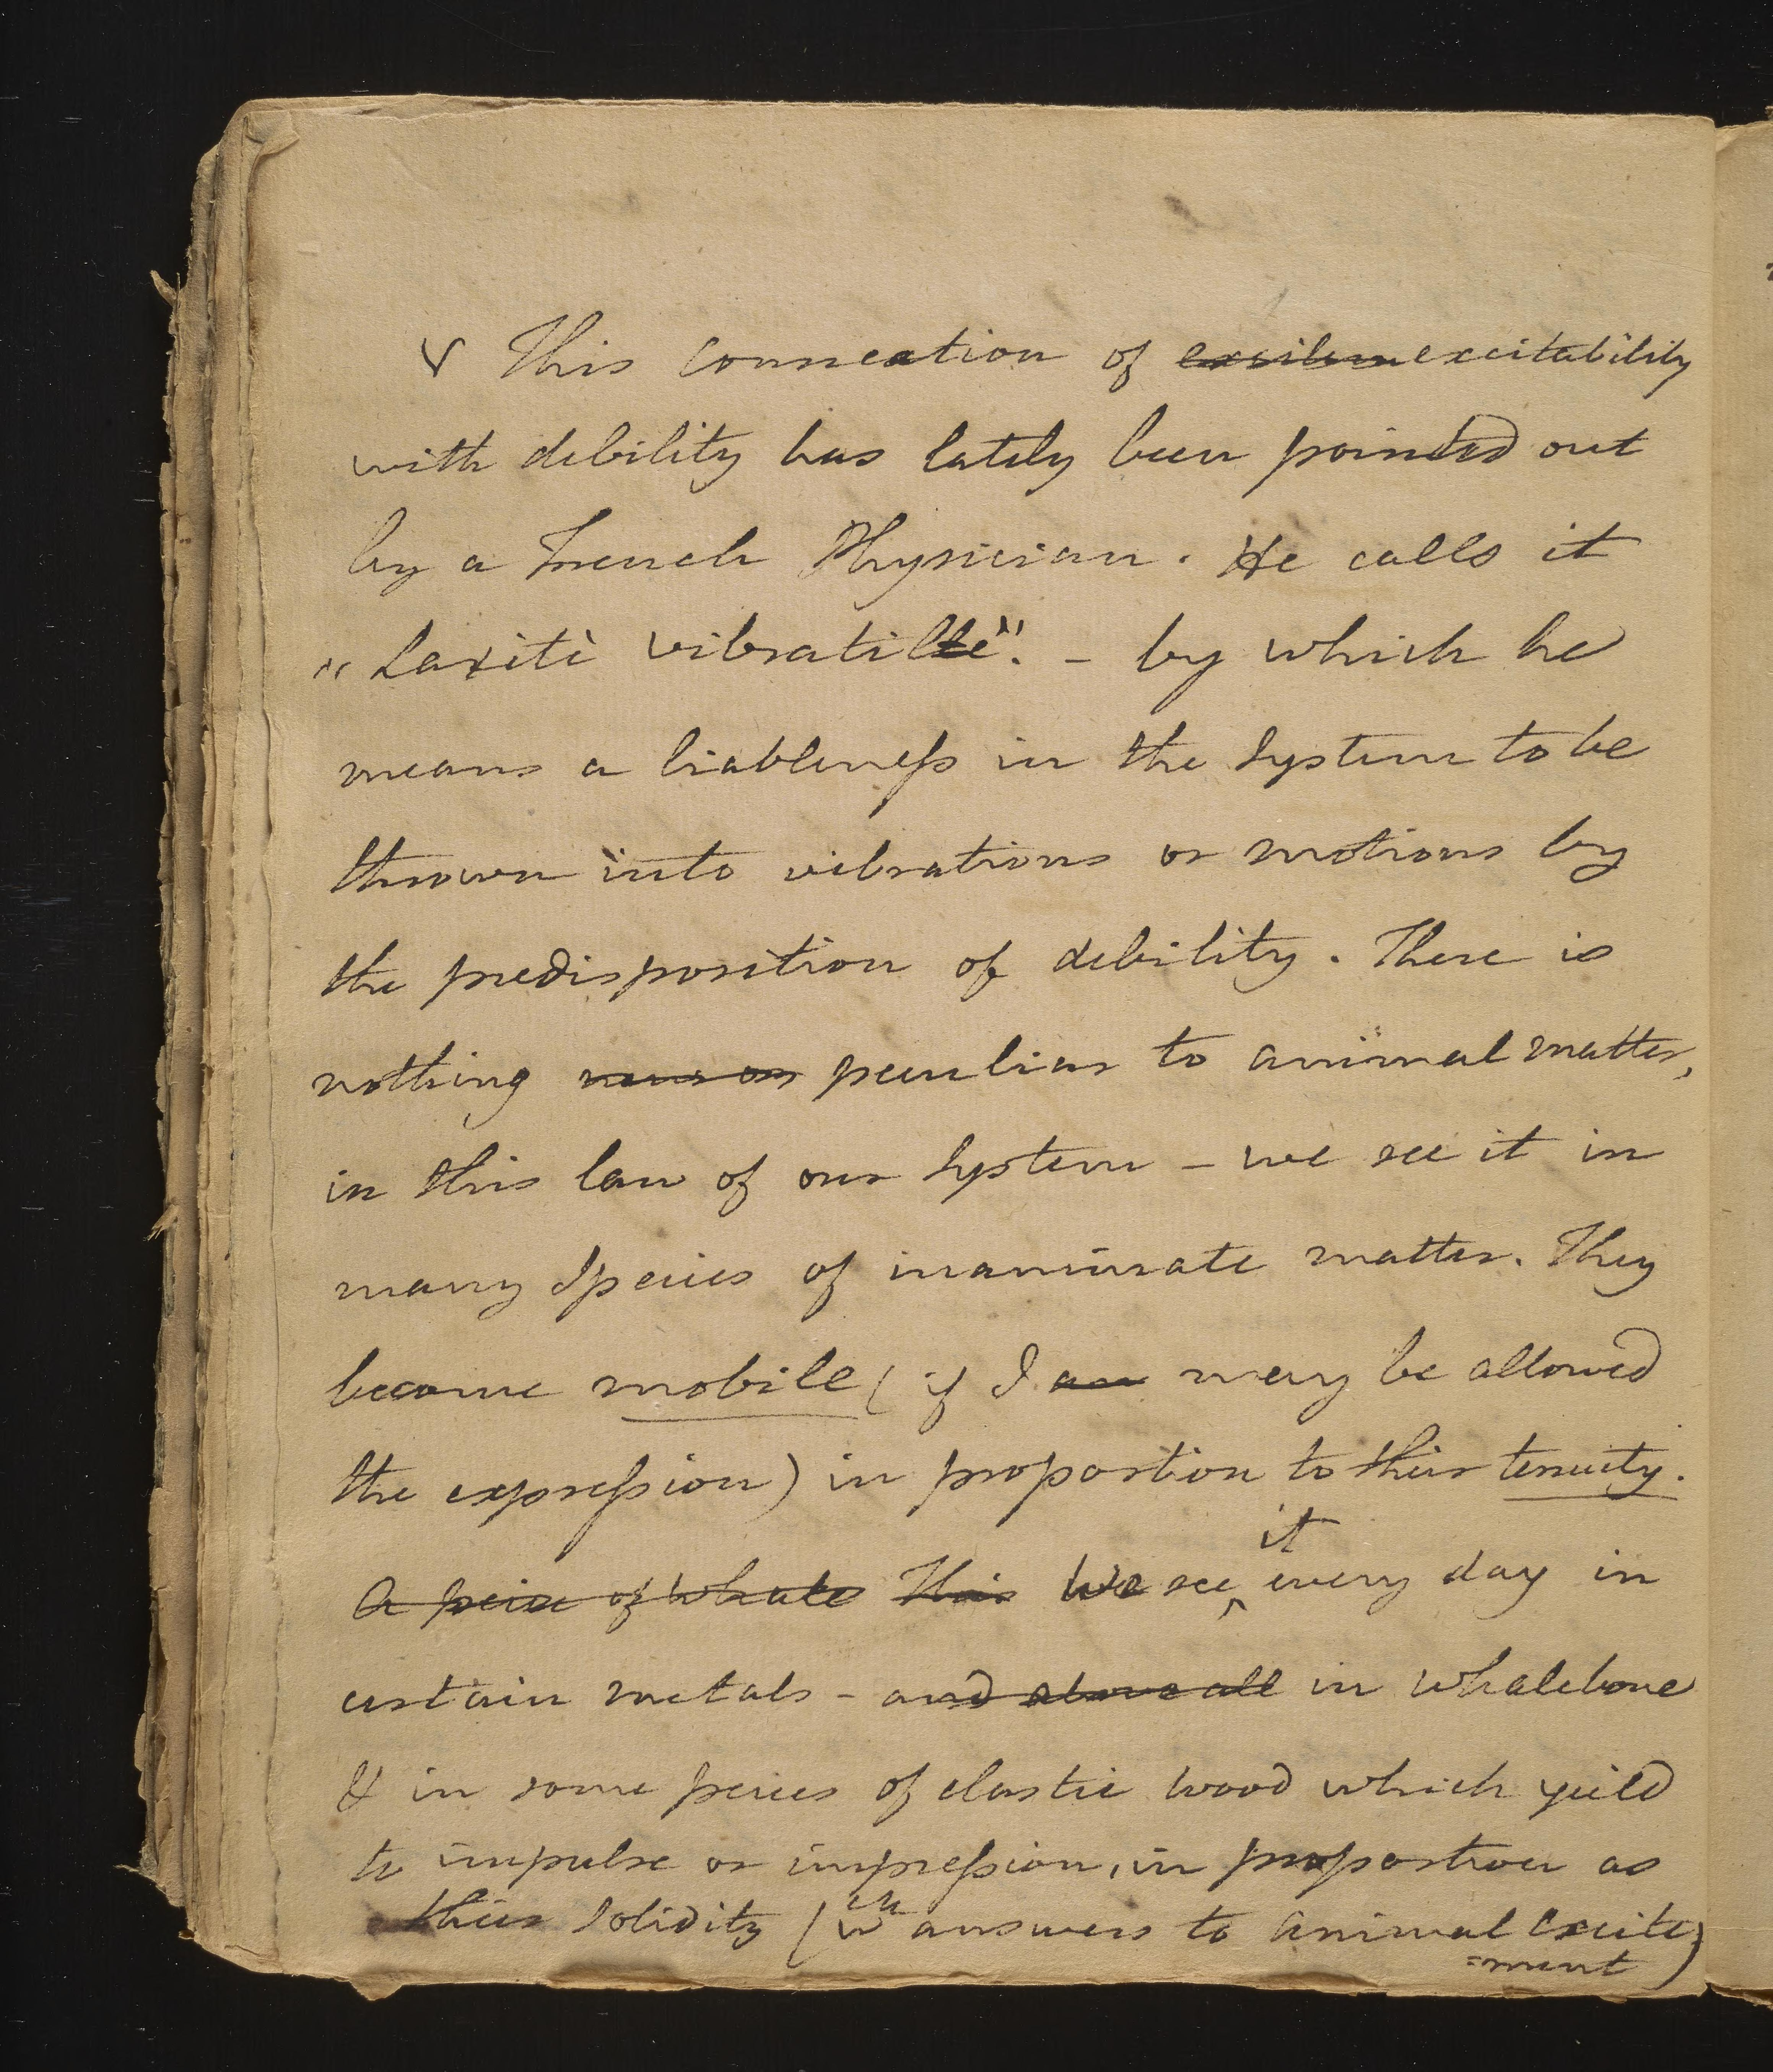V This connection of [excitem] excitability
with debility has lately been pointed out
by a French physician. He calls it
"Laxité vibratil[l]e" by which he
means a liableness in the system to be
thrown into vibrations or motions by
the predisposition of debility. There is
nothing [new or] peculiar to animal matter
in this law of our system- we see it in
many species of inanimate matter. They
became mobile (if I [am] may be allowed
the expression) in proportion to their tenuity.
it
[A peice of whale] [This] We see ^ every day in
certain metals and [above all] in whalebone
& in some peices of elastic wood which yield
to impulse or impression, in proportion as
this solidity (w^ch answers to animal excite-
-ment)